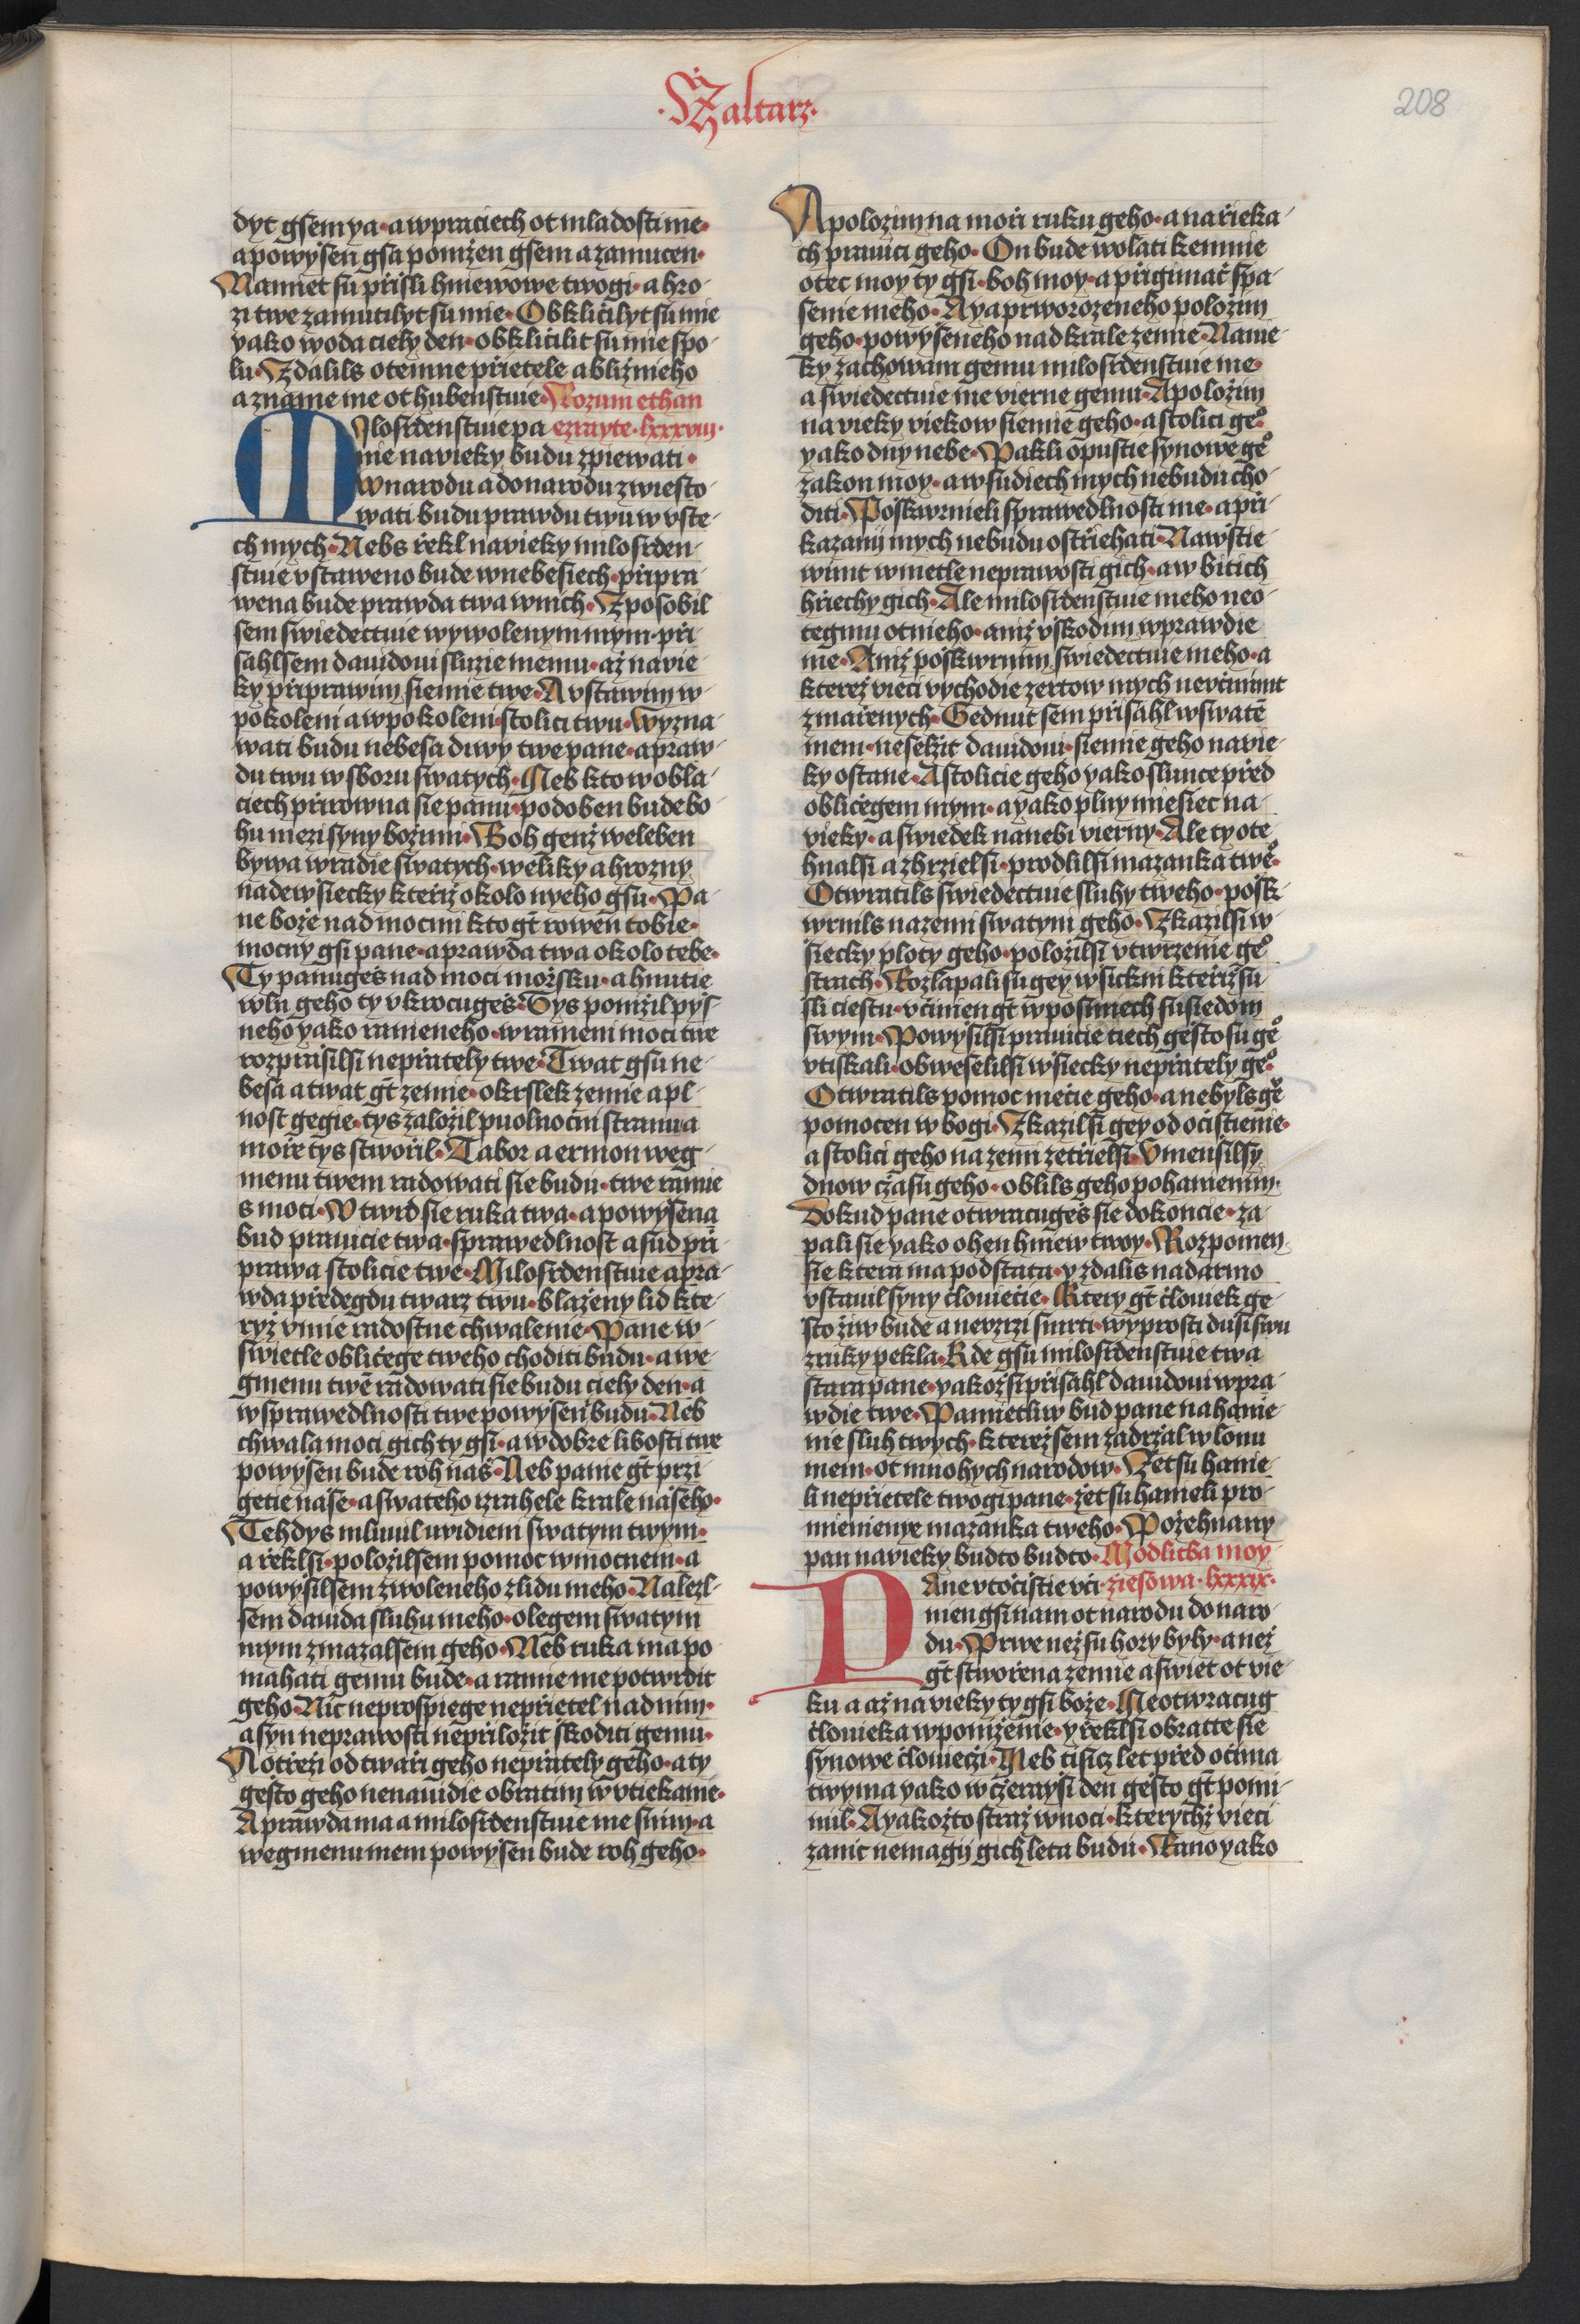.Żaltarz.
dyt gſem ya.a wpracíech ot mladoſti me.
a powýẛen gſa ponižen gſem a zamucen.
Namiet ſu pṙiẛli hniewowe twogi.a hro¬
zi twe zamutilyt ſu mie.Obkliċilyt ſu mie
yako woda ciely den.obkliċilit ſu mie ſpo¬
lu.Zdálils otemne pṙíetele a bliżnieho
a zname me ot hubenſtuíe.Rozum ethan
Iloſrdenſtuie pa ezrayte.lxxxviii.
nie navieky budu zpiewati.
Wdonarodu a donarodu zwieſto¬
wati budu prawdu twu w vſte¬
ch mych.Nebs ṙekl navieky miloſrden¬
ſtuíe vſtaweno bude wnebeſiech.pṙipra¬
wena bude prawda twa wnich.Zpoſobil
ſem ſwiedectuie wyolenym mym.pṙi¬
ſahlſem dauidoui ſluzie memu.aż navie¬
ky pṙiprawím ſiemie twe.A vſtawim w¬
pokolení a wpokoleni.ſtolici twu.Wyzna¬
wati budu nebeſa diwy twe pane.a praw¬
du twu w ſboru ſwatych.Neb kto to wobla¬
ciech pṙirowna ſie panu.podoben bude bo¬
hu mezi ſyny bożimi.Boh genż weleben
bywa wradie ſwatych.weliky a hrozny
nadewẛiecky kteṙiż okolo nyeho gſu.Pa¬
ne boże nad mocmi kto ḡt rowen tobie.
mocný gſi pane.a prawda twa okolo tebe.
Ty panugeṡ nad moci moṙſku.a hnutie
wlu geho ty vkrocugeṡ.Tys pomżil pyẛ¬
neho yako ranieneho.wrameni moci twe
rozpraẛilſi nepṙately twe.Twat gſu ne¬
beſa a twat ḡt zemie.okrſlek zemie a pl¬
noſt gegie.tys zalożil puolnoċni ſtranu.a
moṙe tys ſtwoṙil.Tabor a ermon weg¬
menu twem radowati ſie budú.twe ramie
s moci.V twrd ſie ruka twa.a powyẛena
bud prauicie twa.ſprawedlnoſt a ſud pṙi¬
prawa ſtolicie twe.Miloſrdenſtuie a pra¬
wda pṙedegdu twarz twu.blażeny lid kte¬
ryż vinie radoſtne chwalenie.Pane w¬
ſwietle obliċege tweho choditi budu.a we
gmenu twē radowati ſie budu ciely den.a
wſprawedlnoſti twe powyẛen budu.Neb
chwala moci gich ty gſi.a wdobré liboſti twe
powyẛen bude roh naš.Neb panie ḡt przi¬
getie naẛe.a ſwateho izrahele krale naẛeho.
Tehdys mluuil uvidieni ſwatym twym.
a ṙeklſi.polożilſem pomoc wmocnem.a
powyẛilſem zwoleneho zlidu meho.Nalezl
ſem dauida ſluhu meho.olegem ſwatym
mym zmazalſem geho.Neb ruka ma po¬
mahati gemu bude.a ramie me potwrdit
geho.Nic neproſpiege nepṙietel nadním.
a ſyn neprawoſti nepṙilożit ẛkoditi gemu.
A otṙeżi od twaṙi geho nepṙately geho.a ty
geẛto geho nenauidie obrcatim wvtiekanie.
A prawda ma a miloſrdenſtuie me ſnim.a
wegmenu mem powyẛen bude roh geho.
Apolozim na moṙi ruku geho.a naṙieka¬
ch prauici geho.On bude wolati kemnie
otec moy ty gſi.boh moy.a pṙigimaċ ſpa¬
ſeníe meho.Aya prworozeneho polożím
geho.powýẛeneho nad krale zemie.Nauie¬
ky zachowam gemu miloſrdenſtuíe me.
a ſwiedectuie me vierne gemu.Apolożím
na vieky viekow ſiemie geho.a ſtolici geo
yako dny nebe.Pakli opuſtie ſynowé geo
zakon moy. a wſudiech mych nebudu cho¬
diti.Poẛkwrnieli ſprawedlnoſti me.a pṙi¬
kazanij mych nebudu oſtṙiehati.Nawẛtie¬
winit wmetle neprawoſti gich.aw bitích
hṙiechy gich.Ale miloſrdenſtuie meho neo¬
tegmu otnieho.aniż vẛkodim wprawdie
me.Aniż poẛkwrnim ſwiedectuie meho.a
ktereż vieci vychodie zertow mych nevċinimt
zmaṙenych.Sednut ſem pṙiſahl vſwatē
mem.neſelżit dauidoui.ſiemie geho navie¬
ky oſtane.Aſtolicie geho yako ſlunce pṙed
obliċegem mym.a yako plny mieſiec na¬
vieky.a ſwiedek nanebi vierny.Ale ty ote¬
hnalſi a zhrzielſi.prodlilſi mazanka tweo
Otwratils ſwiedectuie ſluhy tweho.poẛk¬
wrnils nazemi ſwatyni geho.Zkazilſi w¬
ẛiecky ploty geho.polożilſi vtwrzenie geo
ſtrach.Rozlapali ſu gey wẛickni kteṙiż ſu
ẛli cieſtu.vċinien ḡt wpoſmiech ſuſiedom
ſwym.Powyẛilſi prauicie tiech geẛto ſu geo
vtiſkali.obweſelilſi wẛiecky nepṙately geo
Otwratils pomoc meċie geho.a nebyls gev
pomocen w bogi.Zkazil ſi gey od oċiſtienie.
a ſtolici geho na zemi zetṙiel ſi.Vmenẛilſy
dnow cżaſu geho.oblils geho pohanienim.
Dokud pane otwracugeṡ ſie dokoncie.za¬
pali ſie yako ohen hniew twoy.Rozpomen
ſie ktera ma podſtata.y zdalis nadarmo
vſtzuil ſyny ċlouieċíe.Ktery ḡt ċlouiek ge¬
ẛto żiw bude a nevzrzi ſmrti.wyproſti duẛi ſwu
zruky pekla.Kde gſu miloſrdenſtuie twa
ſtara pane.yakoż ſi pṙiſahl dauidoui wpra¬
wdie twe.Pamietliw bud pane na hanie¬
nie ſluh twych.ktereż ſem zadrżal wlonu
mem.ot mnohych narodow.Żetſu hanie¬
li nepṙietele twogi pane.żet ſu hanieli pro¬
mnienienye mazanka tweho.Pożehnany
pan navieky budto budto.Modlitba moy
Ane vtoċiẛtie vċi.żieſowa.lxxxix.
nien gſi nam ot narodu do naro¬
du.Prwe neżſu hory byly.a neż
ḡt ſtwoṙena zemie a ſwiet ot vie¬
ku a aż na vieky ty gſi boże.Neotwracug
ċlouieka wponiżenie.y ṙeklſi obratte ſie
ſynowé ċlouiecżi.Neb tiſicz let pṙed oċima
twyma yako w cżerayẛi den geẛto ḡt pomi¬
nul.A yakożto ſtraż wnoci.kterychż vieci
zanic nemagij gich leta budú.Rano yako